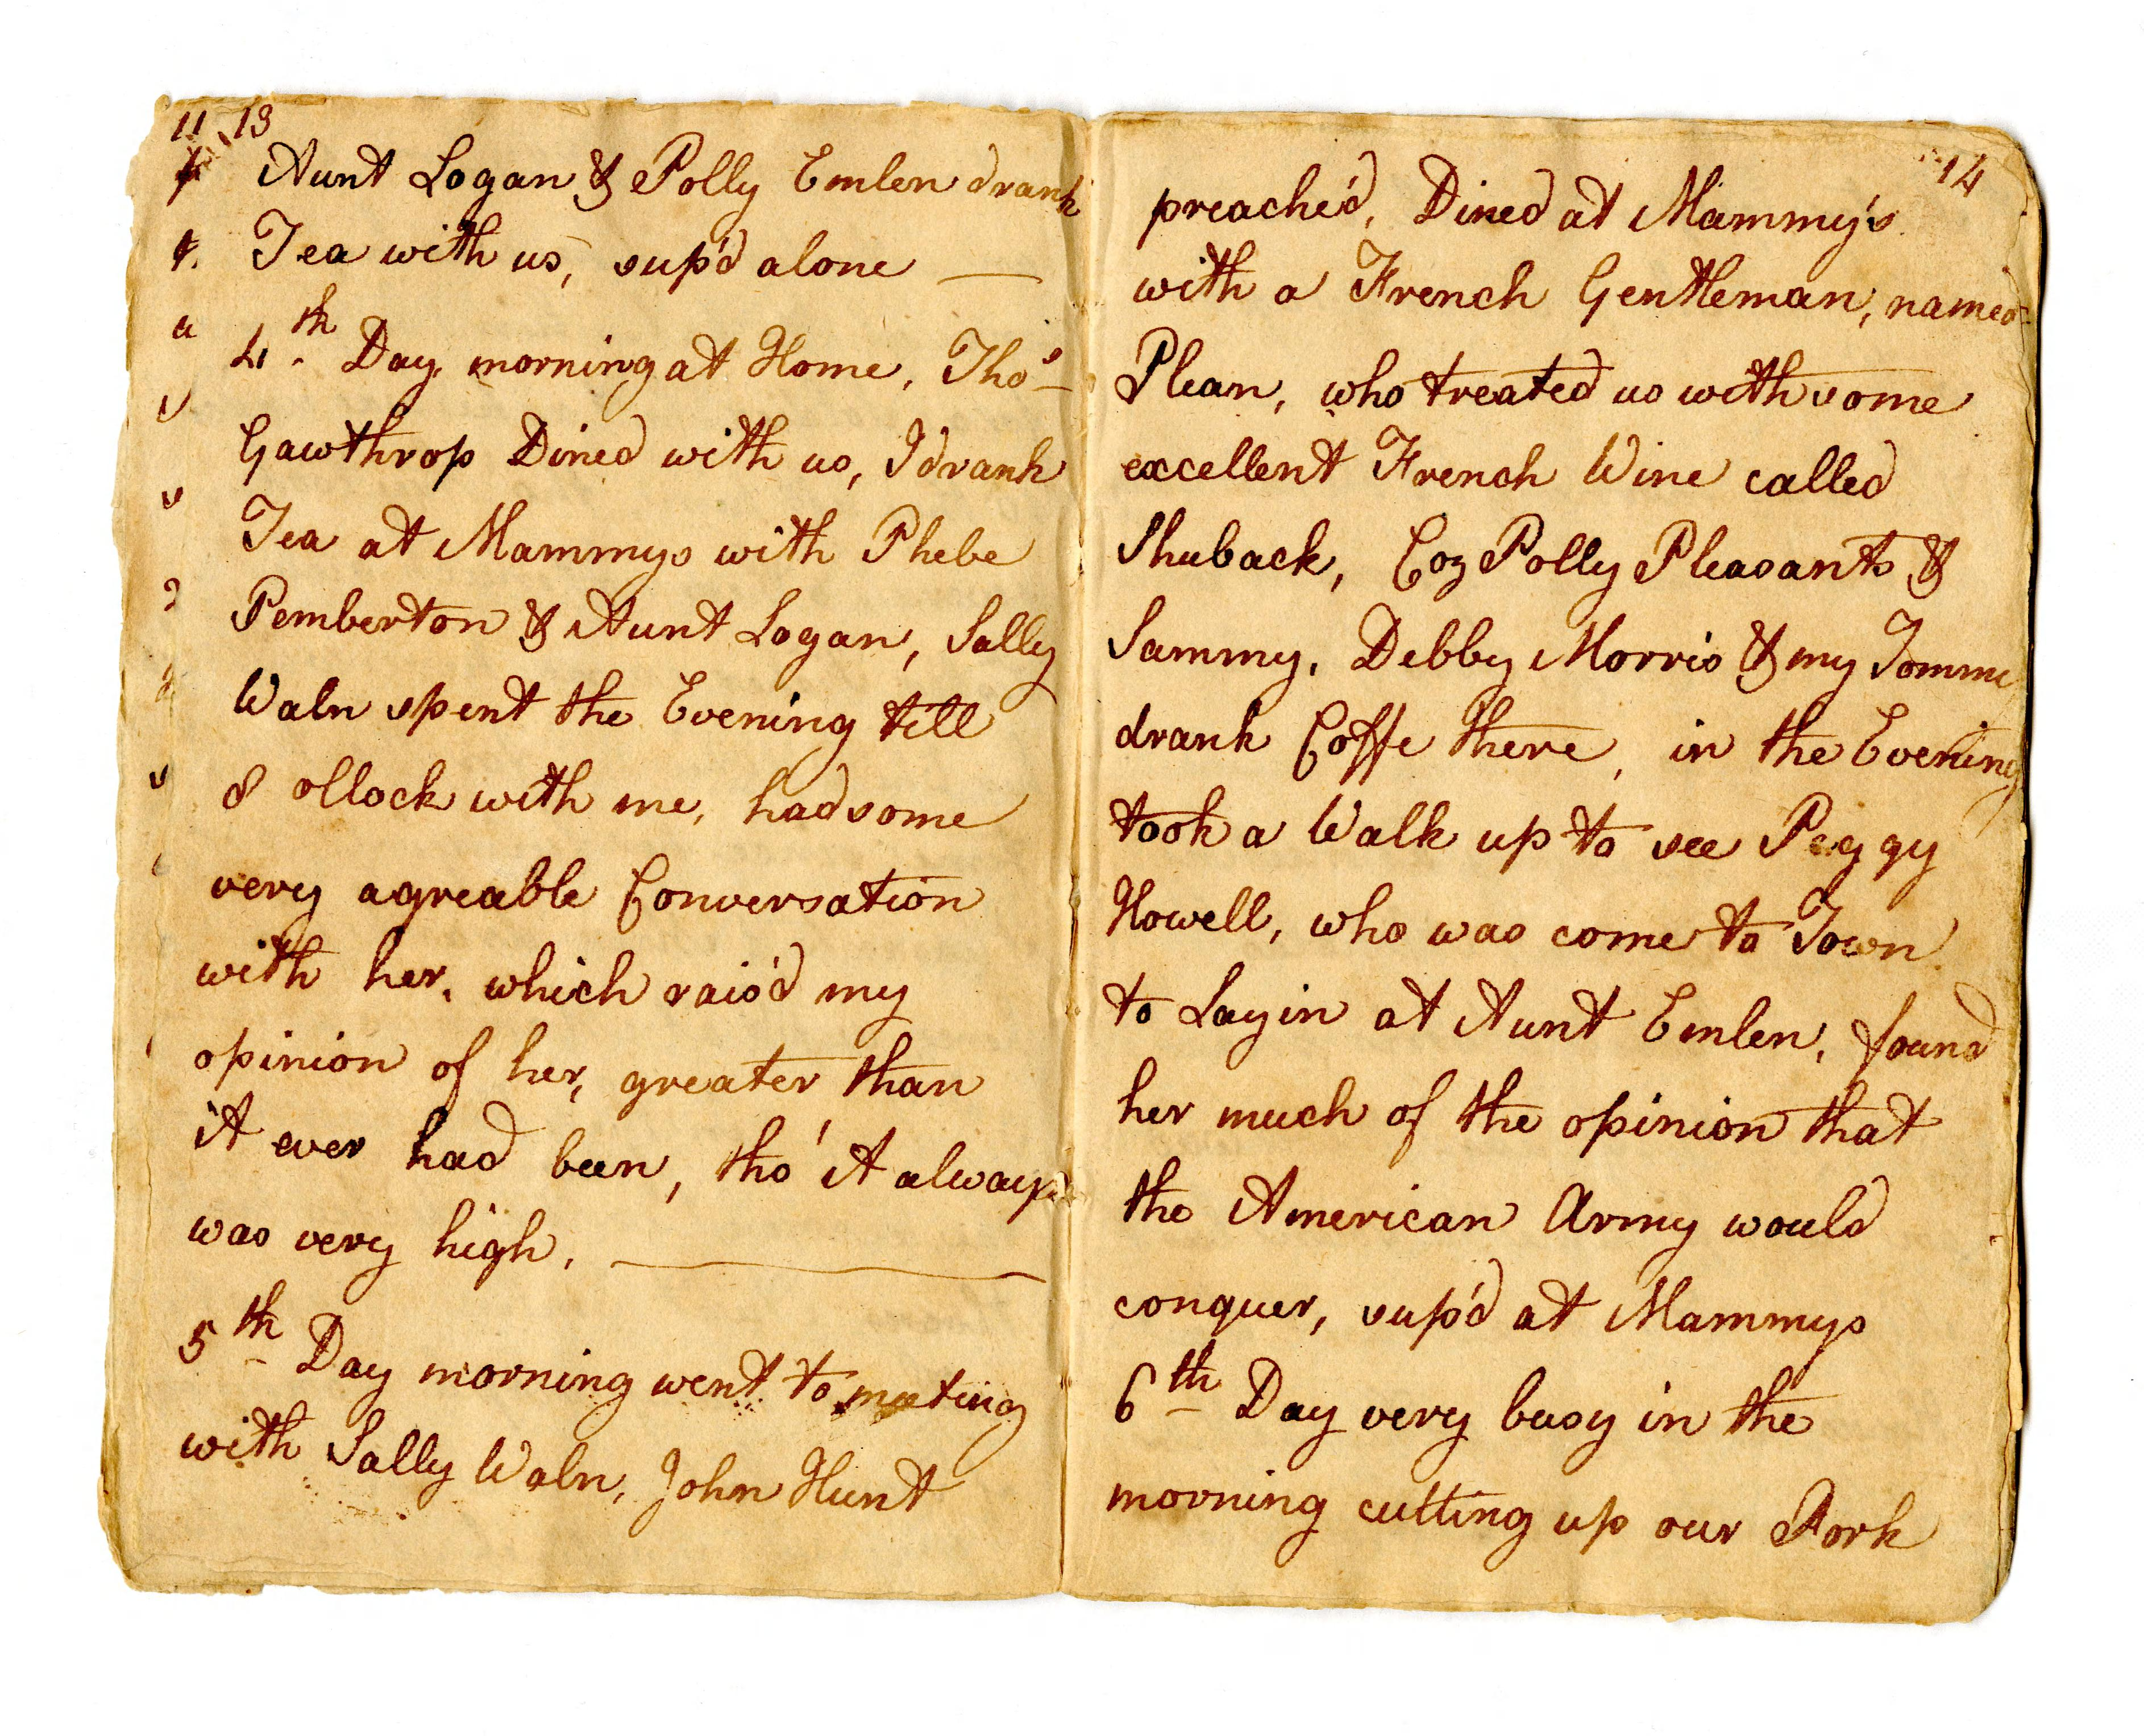Aunt Logan & Polly Emlen drank
Tea with us, sup'd alone-
4^th Day, morning at Home, Tho^s
Gawthrop Dined with us, I drank
Tea at Mammys with Phebe
Pemberton & Aunt Logan, Sally
Waln spent the Evening till
8 ^oClock with me, had some
very agreable Conversation
with her, which rais'd my
opinion of her, greater than
it ever had been, tho' it always
was very high.-
5^th Day morning went to meeting
with Sally Waln, John Hunt
14
preache'd, Dined at Mammy's
with a French Gentleman, named
Plean, who treated us with some
excellent French Wine called
Shuback, Coz Polly Pleasants &
Sammy, Debby Morris & my Tommy
drank Coffe there, in the Evening
took a Walk up to see Peggy
Howell, who was come to Town
to Lay in at Aunt Emlen, found
her much of the opinion that
the American Army would
conquer, sup'd at Mammys
6^th Day very busy in the
morning cutting up our Pork